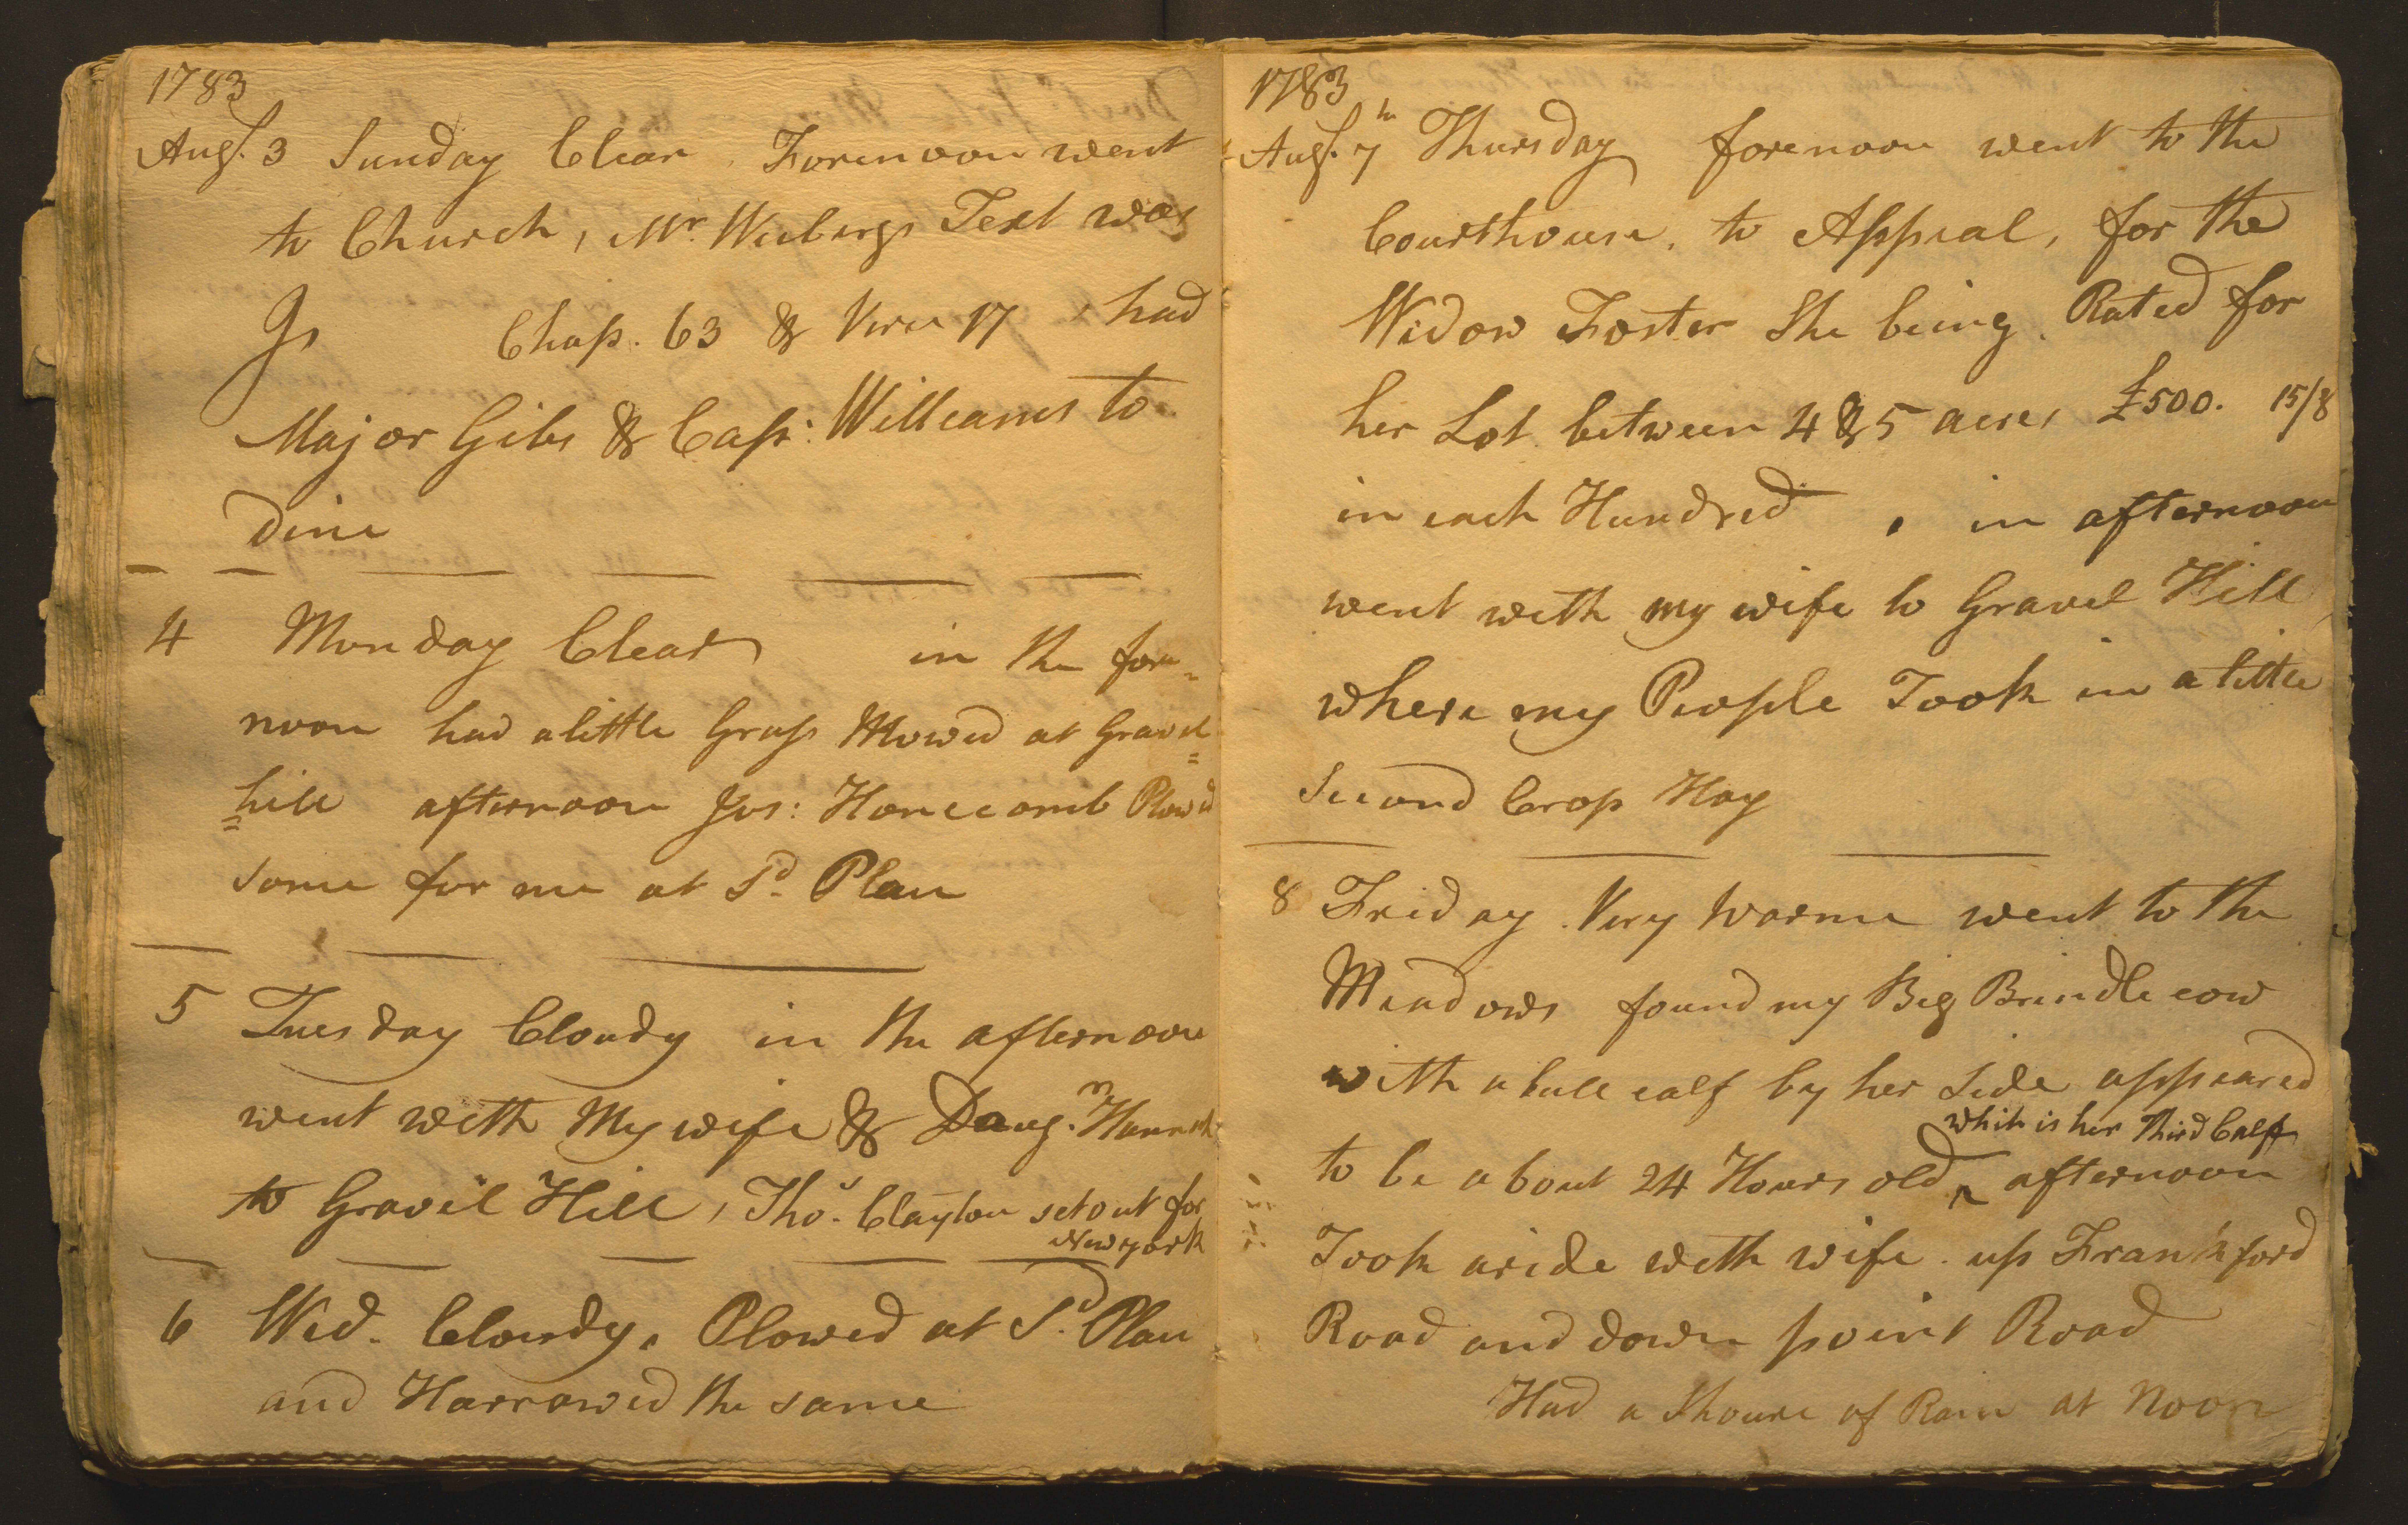1783
Aug^t. 3 Sunday Clear Forenoon went
to Church, M^r. Weiburgs Text was
Is
Chap. 63 & Verne 17 had
Major Giles & Cap: Williames to
dine
4 Monday Clear in the for
noon had a little Grass Mowed at Gravel
hill afternoon Jos: Honecomb Plowed
some for me at s^d. Plan
5 Tuesday Cloudy in the afternoon
went with My wife & Daug^r. Hannah
Gravel Hill, Tho^s. Clayton set out for
New york
6 Wed. Cloudy. Plowed at s^d. Plan
ane Harrowed the same
1783
Aug^t. 7 Thursday forenoon went to the
Courthouse, to Appeal, for the
Wedow Foster She being Rated for
her Lot. between 4 & 5 acses £500. 15s8
in each Hundred, in afternoon
went with my wife to Gravel Hill
whese my People Took in a little
second Crop Hay
8 Friday Very warme went to the
Meadows found my Big Brindle cow
with a bull calf by her side appeared
which is her Third Calf
to be about 24 Hours old ^ afternoon
Took a ride with wife up Frankford
Road and down point Road
Had a Shoure of Rain at Noon